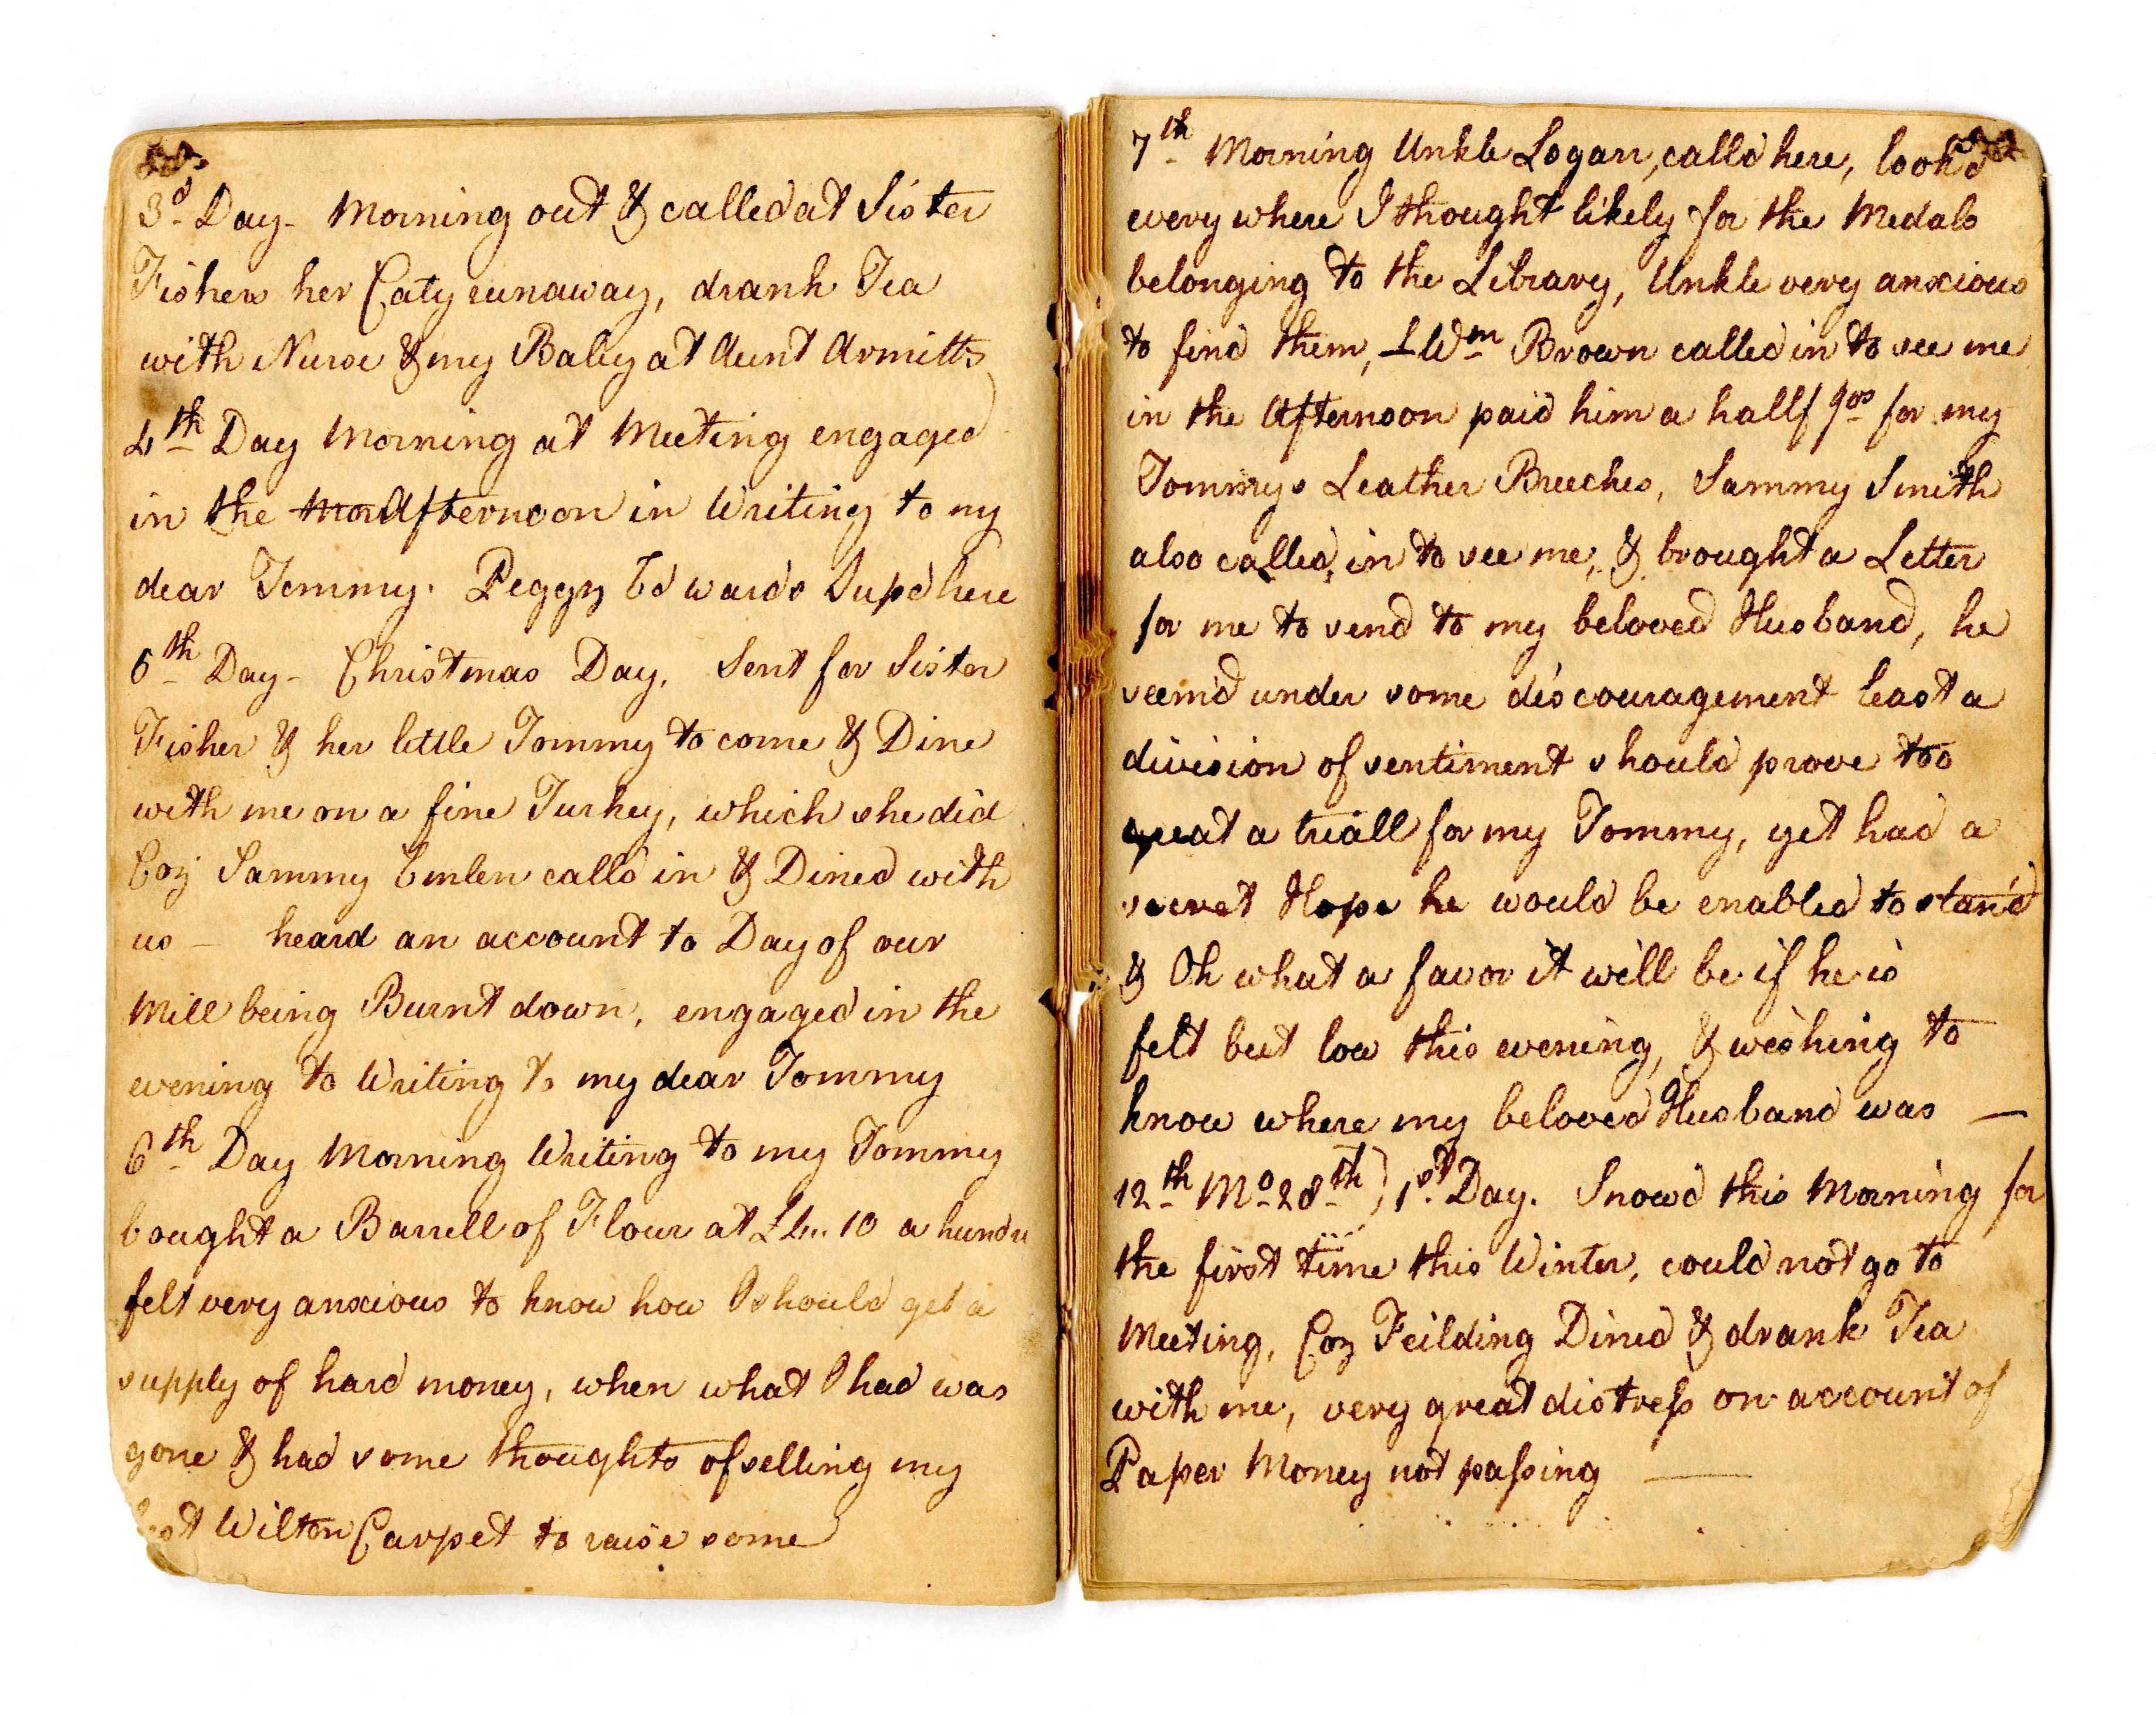58
3^d. Day- Morning out & called at Sister
Fishers her Caty runaway, drank Tea
with Nurse & my Baby at Aunt Armitts
4^th Day Morning at Meeting engaged
in the morAfternoon in Writing to ny
dear Tommy, Peggy Edwards Supd here
5^th Day- Christmas Day. Sent for Sister
Fisher & her little Tommy to come & Dine
with me on a fine Turkey, which she did
Coz Sammy Emlen calld in & Dined with
us- heard an account to Day of our
Mill being Burnt down, engaged in the
evening to Writing to my dear Tommy
6^th Day Morning Writing to my Tommy
bought a Barrell of Flour at £1..10 a hundre
felt very anxious to know how I should get a
supply of hard money, when what I had was
gone & had some thoughts of selling my
st Wilton Carpet to raise some
7^th morning Unkle Logan calld here, lookd
every where I thought likely for the Medals
belonging to the Library, Unkle very anxious
to find them,[-] W^m Brown called in to see me
in the Afternoon paid him a hallf [___] for my
Tommys Leather Breeches, Sammy Smith
also called, in to see me, & brought a Letter
for me to send to my beloved Husband, he
seem'd under some discouragement least a
division of sentiment should prove too
great a triall for my Tommy, yet had a
secret Hope he would be enabled to stand
& Oh what a favor it will be if he is
felt but low this evening, & wishing to
know where my beloved Husband was-
12^th M^o 28^th) 1^st Day. Snowd this Morning for
the first time this Winter, could not go to
Meeting, Coz Feilding Dined & drank Tea
with me, very great distress on account of
Paper Money not passing-